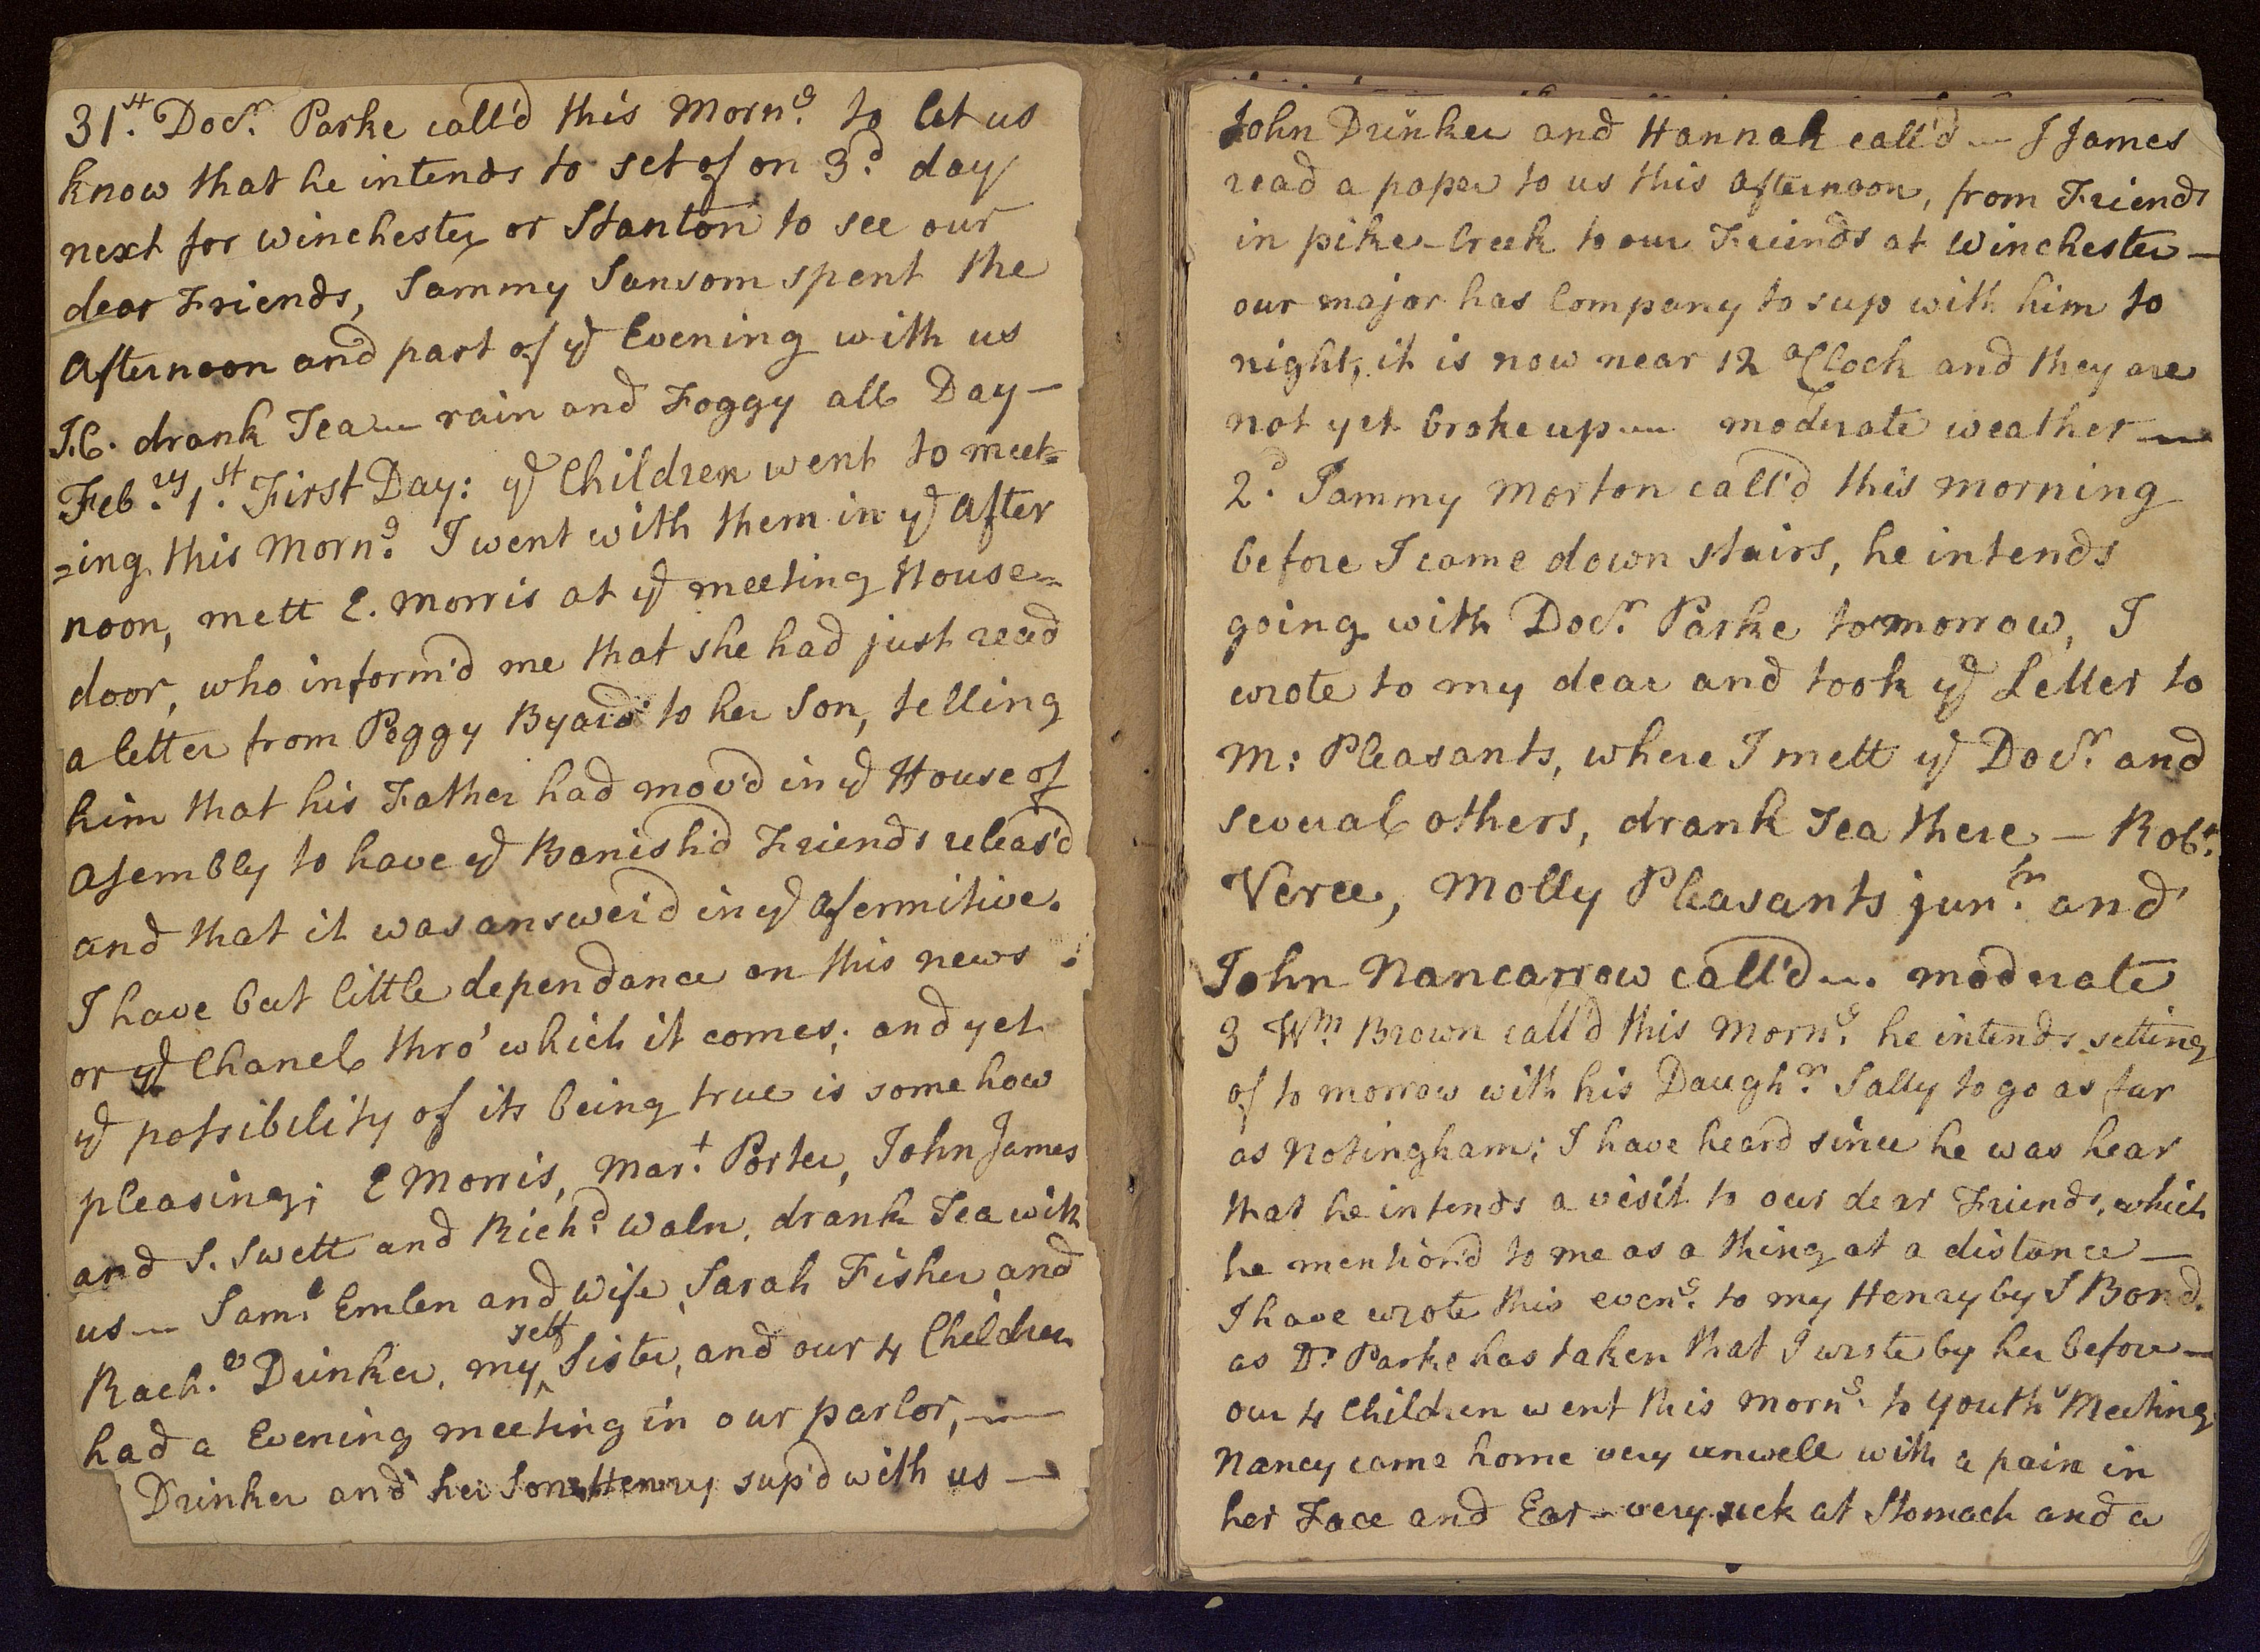31^st. Doc^r. Parke call'd this Morn^g. to let us
know that he intends to set of on 3^d. day
next for Winchester at Stanton to see our
dear Friends, Sammy Sansom spent the
Afternoon and part of y^e Evening with us
J.C. drank Tea- rain and Foggy all Day-
Feb^24. 1^st. First Day: y^e Children went to meet-
-ing, this morn^g. I went with them in y^e After
noon, mett E. Morris at y^e meeting House-
door, who inform'd me that she had just read
a letter from Peggy Byard to her Son, telling
him that his Father had mov'd in y^e House of
Asembly to have y^e Banish'd Friends releas'd
and that it was answer'd in y^e Afermitive.
I have but little depedance on this news.
or y^e Chanel thro' which it comes; and yet
y^e possibility of its being true is somehow
pleasing; E Morris, Mar^t. Porter, John James
and S. Swett and Rich^d. Waln, drank Tea with
us- Sam^l. Emlen and Wife, Sarah Fisher and
self
Rach^l. Drinker, my ^ Sister, and our 4 Children
had a Evening meeting in our parlor,-
Drinker and her Son Henry sup'd with us-
John Drinker and Hannah call'd- J James
read a paper to us this afternoon, from Friends
in pike-Creek to our Friends at Winchester-
our major has Company to sup with him to
night, it is now near 12 ^o Clock and they are
not yet broke up- moderate weather-
2^d. Sammy Morton call'd this morning
before I came down stairs, he intends
going with Doc^r. Parke tomorrow, I
wrote to my dear and took y^e Letter to
M: Pleasants, where I mett y^e Doc^r. and
several others, drank Tea there- Rob^t.
Veree, Molly Pleasants jun^r. and
John Nancarrow call'd- moderate
3 W^m. Brown call'd this Morn.^g he intends setting
of to morrow with his Daugh^r. Sally to go as far
as Notingham; I have heard since he was hear
that he intends a visit to our dear Friends, which
he mentioned to me as a thing at a distance-
I have wrote this even^g. to my Henry by S Bond.
as D^r. Parke has taken that I write by her before-
our 4 Children went this Morn^g. to youth^s Meeting,
Nancy came home very unwell with a pain in
her Face and Ear- very sick at Stomach and a